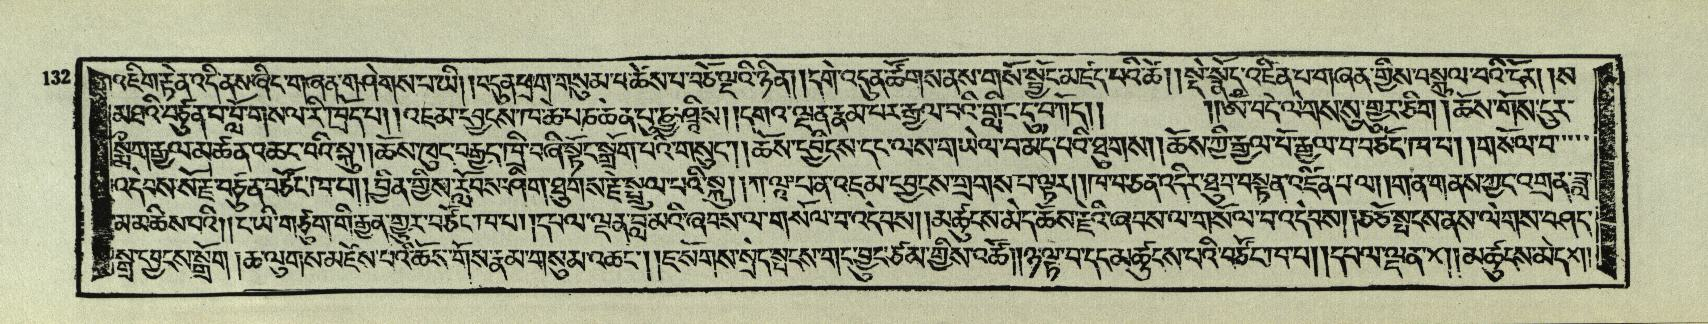འཇིག་རྟེན་འདི་ནས་ཞིང་གཞན་གཤེགས་པ་ཡི། །བདུན་ཕྲག་གསུམ་པ་ཚེས་པ་བཅོ་ལྔའི་ཉིན། །དགེ་འདུན་ཚོགས་ནས་གསོ་སྦྱོང་མཛད་པའི་ཚེ། །སྡེ་སྣོད་འཛིན་པ་གཞན་གྱིས་བསྐུལ་བའི་ངོར། །ས་
མཐའི་བཙུན་པ་བློ་གསལ་རི་ཁྲོད་པ། །འཇམ་དབྱངས་ཁ་ཆེ་པཎ་ཆེན་པུ་ཎྱ་ཤྲིའས། །དགའ་ལྡན་རྣམ་པར་རྒྱལ་བའི་གླིང་དུ་བཀོད།། །།ཨོཾ་བདེ་ལེགས་སུ་གྱུར་ཅིག། །ཆོས་གོས་ངུར་
སྨྀག་རྒྱལ་མཚན་འཆང་བའི་སྐུ། །ཆོས་ཁུང་བརྒྱད་ཁྲི་བཞི་སྟོང་སྒྲོག་པའི་གསུང་། །ཆོས་དབྱིངས་དང་ལས་གཡེལ་བ་མེད་པའི་ཐུགས། །ཆོས་ཀྱི་རྒྱལ་པོ་རྒྱལ་བ་བཙོང་ཁ་པ། །གསོལ་བ་
འདེབས་སོ་རྗེ་བཙུན་བཙོང་ཁ་པ། །བྱིན་གྱིས་རློབས་ཤིག་ཐུགས་རྗེ་སྤྲུལ་པའི་སྐུ། །ཀ་ལཱ་པ་ན་འཇམ་དབྱངས་གྲགས་པ་ལྟར། །ཁ་བ་ཅན་འདིར་ཐུབ་བསྟན་འཛིན་པ་ལ། །ག་ན་གནས་ཀྱང་འགྲན་ཟླ་
མ་མཆིས་པའི། །ང་ཡི་གཙུག་གི་རྒྱན་གྱུར་བཙོང་ཁ་པ། །དཔལ་ལྡན་བླ་མའི་ཞབས་ལ་གསོལ་བ་འདེབས། །མཚུངས་མེད་ཆོས་རྗེའི་ཞབས་ལ་གསོལ་བ་འདེབས། །ཅ་ཅོ་སྤངས་ནས་ལེགས་བཤད་
སྒྲ་དབྱངས་སྒྲོག །ཆ་ལུགས་མཛེས་པའི་ཆོས་གོས་རྣམ་གསུམ་འཆང་། །ཇ་སོགས་སྲེད་སྤངས་གང་བྱུང་ཙམ་གྱིས་འཚོ། །ཉ་ལྟ་བ་དང་མཚུངས་པའི་བཙོང་ཁ་པ། །དཔལ་ལྡན་྾། །མཚུངས་མེད་྾།།